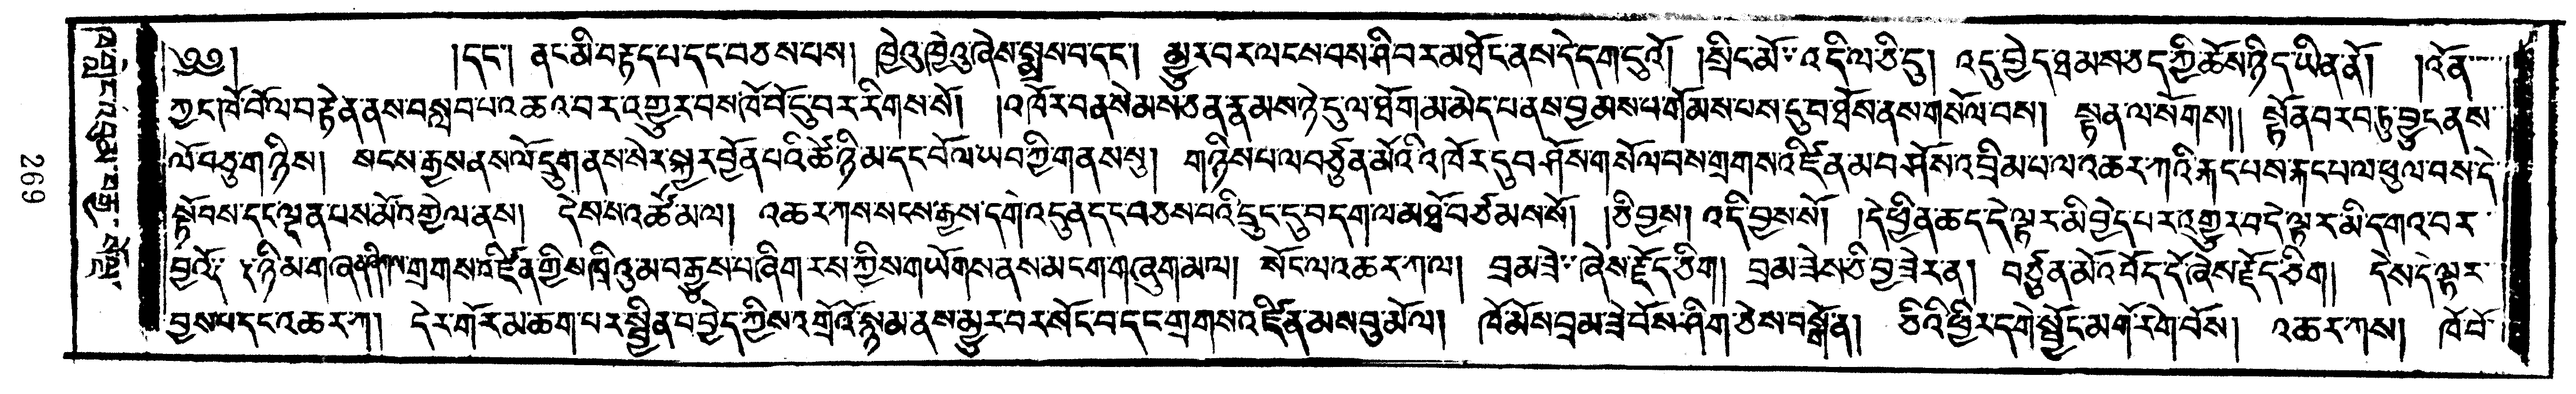༄༅། །དང་། ནང་མི་བརྟད་པ་དང་བཅས་པས། ཁྱེའུ་ཁྱེའུ་ཞེས་སྨྲས་པ་དང་། མྱུར་བར་ལངས་པས་ཤི་བར་མཐོང་ནས་དེ་དག་དུའོ། །སྲིང་མོ་འདི་ལ་ཅི་དུ། འདུ་བྱེད་ཐམས་ཅད་ཀྱི་ཆོས་ཉིད་ཡིན་ནོ། །འོན་
ཀྱང་ཁོ་བོ་ལ་བརྟེན་ནས་བསླབ་པ་འཆའ་བར་འགྱུར་བས་ཁོ་བོ་དུ་བར་རིགས་སོ། །འཁོར་བན་སེམས་ཅན་རྣམས་ཉེ་དུ་ལ་ཐོག་མ་མེད་པ་ནས་བྱམས་པ་གོམས་པས་དུ་བ་ཐོས་ནས་གསོལ་བས། སྟན་ལ་སོགས།། སྟོན་པ་རབ་ཏུ་བྱུང་ནས་
ལོ་བཅུ་གཉིས། སངས་རྒྱས་ནས་ལོ་དྲུག་ནས་སེར་སྐྱར་བྱོན་པའི་ཚེ་ཉི་མ་དང་པོ་ལ་ཡབ་ཀྱི་གནས་སུ། གཉིས་པ་ལ་བཙུན་མོའི་འཁོར་དུ་བཤོས་གསོལ་བས་གྲགས་འཛིན་མ་བཤོས་འབྲིམ་པ་ལ་འཆར་ཀའི་རྐང་པས་རྐང་པ་ལ་ཕུལ་བས་དེ་
སྟོབས་དང་ལྡན་པས་མོ་འགྱེལ་ནས། དེས་ས་འཚོམ་ལ། འཆར་ཀས་སངས་རྒྱས་དགེ་འདུན་དང་བཅས་པའི་དྲུང་དུ་བདག་ལ་མཐོ་བ་ཙམས་སོ། །ཅི་བྱས། འདི་བྱས་སོ། །དེ་ཕྱིན་ཆད་དེ་ལྟར་མི་བྱེད་པར་འགྱུར་བ་དེ་ལྟར་མི་དགའ་བར་
བྱའོ༑ ༑ཉི་མ་གཞན་ཞིགས་གྲགས་འཛིན་གྱིས་ཁྲིའུ་མ་བརྒྱུས་པ་ཞིག་རས་ཀྱིས་གཡོགས་ནས་མངག་གཞུག་མ་ལ། སོང་ལ་འཆར་ཀ་ལ། བྲམ་ཟེ་ཞེས་རྗོད་ཅིག། བྲམ་ཟེས་ཅི་བྱ་ཟེར་ན། བཙུན་མོ་འབོད་དོ་ཞེས་རྗོད་ཅིག། དེས་དེ་ལྟར་
བྱས་པ་དང་འཆར་ཀ། དེར་གོར་མ་ཆག་པར་སྦྱིན་པ་བྱེད་ཀྱིས་འགྲོའོ་སྙམ་ནས་མྱུར་བར་སོང་བ་དང་གྲགས་འཛིན་མས་བུ་མོ་ལ། ཁོ་མོས་བྲམ་ཟེ་བོས་ཤིག་ཅེས་བསྒོ་ན། ཅིའི་ཕྱིར་དགེ་སྦྱོང་མགོ་རེག་བོས། འཆར་ཀས། ཁོ་བོ་